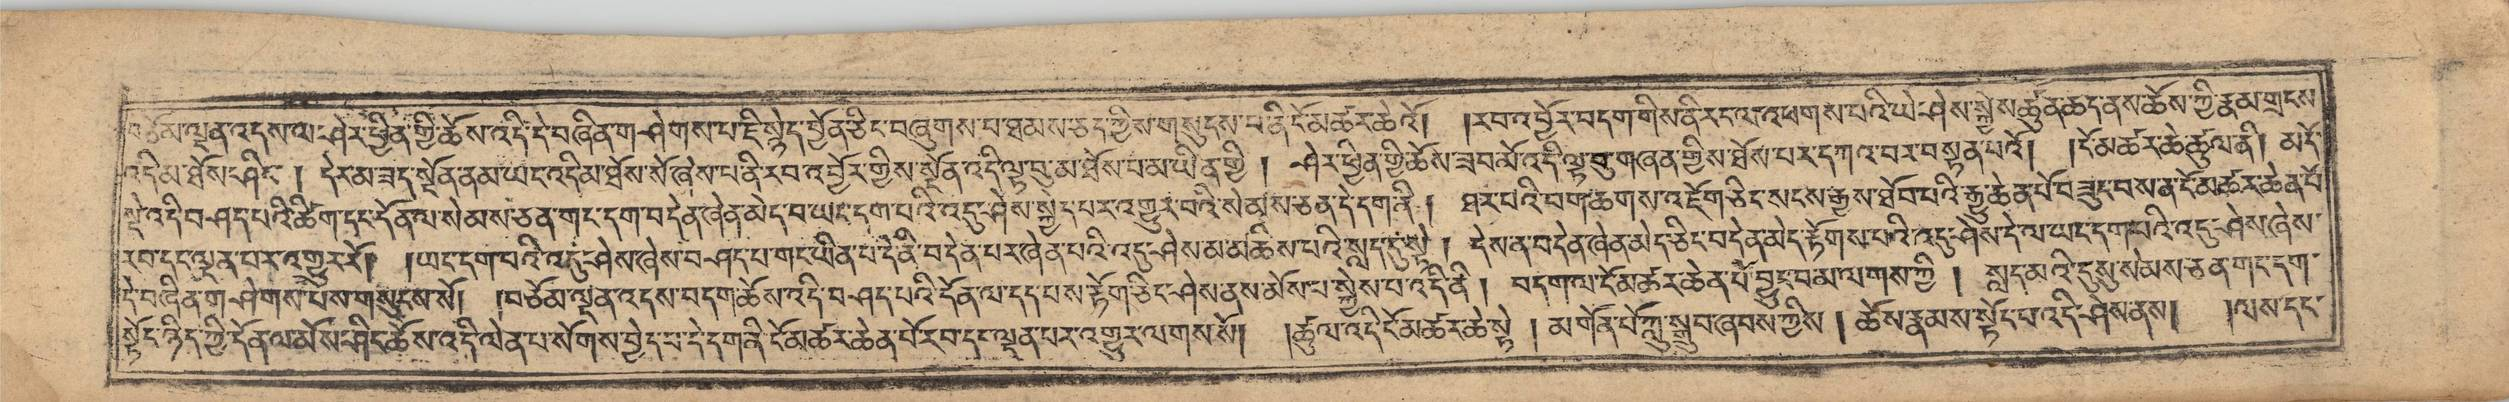བཅོམ་ལྡན་འདས་ལ་ཤེར་ཕྱིན་གྱི་ཆོས་འདི་དེ་བཞིན་གཤེགས་པ་ཇི་སྙེད་བྱོན་ཅིང་བཞུགས་པ་ཐམས་ཅད་ཀྱིས་གསུངས་པ་ནི་ངོ་མཚར་ཆེའོ། །རབ་འབྱོར་བདག་གིས་ནི་རང་ལ་འཕགས་པའི་ཡེ་ཤེས་སྐྱེས་ཚུན་ཆད་ནས་ཆོས་ཀྱི་རྣམ་གྲངས་
འདི་མ་ཐོས་ཤིང་། དེར་མ་ཟད་སྔོན་ནམ་ཡང་འདི་མ་ཐོས་སོ་ཞེས་པ་ནི་རབ་འབྱོར་གྱིས་སྔོན་འདི་ལྟ་བུ་མ་ཐོས་པ་མ་ཡིན་གྱི། ཤེར་ཕྱིན་གྱི་ཆོས་ཟབ་མོ་འདི་ལྟ་བུ་གཞན་གྱིས་ཐོས་པར་དཀའ་བར་བསྟན་པའོ། །ངོ་མཚར་ཆེ་ཚུལ་ནི། མདོ་
སྡེ་འདི་བཤད་པའི་ཚིག་དང་དོན་ལ་སེམས་ཅན་གང་དག་བདེན་ཞེན་མེད་པ་ཡང་དག་པའི་འདུ་ཤེས་སྐྱེད་པར་འགྱུར་བའི་སེམས་ཅན་དེ་དག་ནི། ཐར་པའི་བག་ཆགས་འཇོག་ཅིང་སངས་རྒྱས་ཐོབ་པའི་རྒྱུ་ཆེན་པོ་བཟུང་བས་ན་ངོ་མཚར་ཆེན་པོ་
རབ་དང་ལྡན་པར་འགྱུར་རོ། །ཡང་དག་པའི་འདུ་ཤེས་ཞེས་བཤད་པ་གང་ཡིན་པ་དེ་ནི་བདེན་པར་ཞེན་པའི་འདུ་ཤེས་མ་མཆིས་པའི་སླད་དུ་སྟེ། དེས་ན་བདེན་ཞེན་མེད་ཅིང་བདེན་མེད་རྟོགས་པའི་འདུ་ཤེས་དེ་ལ་ཡང་དག་པའི་འདུ་ཤེས་ཞེས་
དེ་བཞིན་གཤེགས་པས་གསུངས་སོ། །བཅོམ་ལྡན་འདས་བདག་ཆོས་འདི་བཤད་པའི་དོན་ལ་དད་པས་རྟོག་ཅིང་ཤེས་ནས་མོས་པ་སྐྱེས་པ་འདི་ནི། །བདག་ལ་ངོ་མཚར་ཆེན་པོ་བྱུང་བ་མ་ལགས་ཀྱི། སླད་མའི་དུས་སུ་སེམས་ཅན་གང་དག་
སྟོང་ཉིད་ཀྱི་དོན་ལ་མོས་ཤིང་ཆོས་འདི་ལེན་པ་སོགས་བྱེད་པ་དེ་དག་ནི་ངོ་མཚར་ཆེན་པོ་རབ་དང་ལྡན་པར་འགྱུར་ལགས་སོ། །ཚུལ་འདི་ངོ་མཚར་ཆེ་སྟེ། མགོན་པོ་ཀླུ་སྒྲུབ་ཞབས་ཀྱིས། ཆོས་རྣམས་སྟོང་པ་འདི་ཤེས་ནས། །ལས་དང་